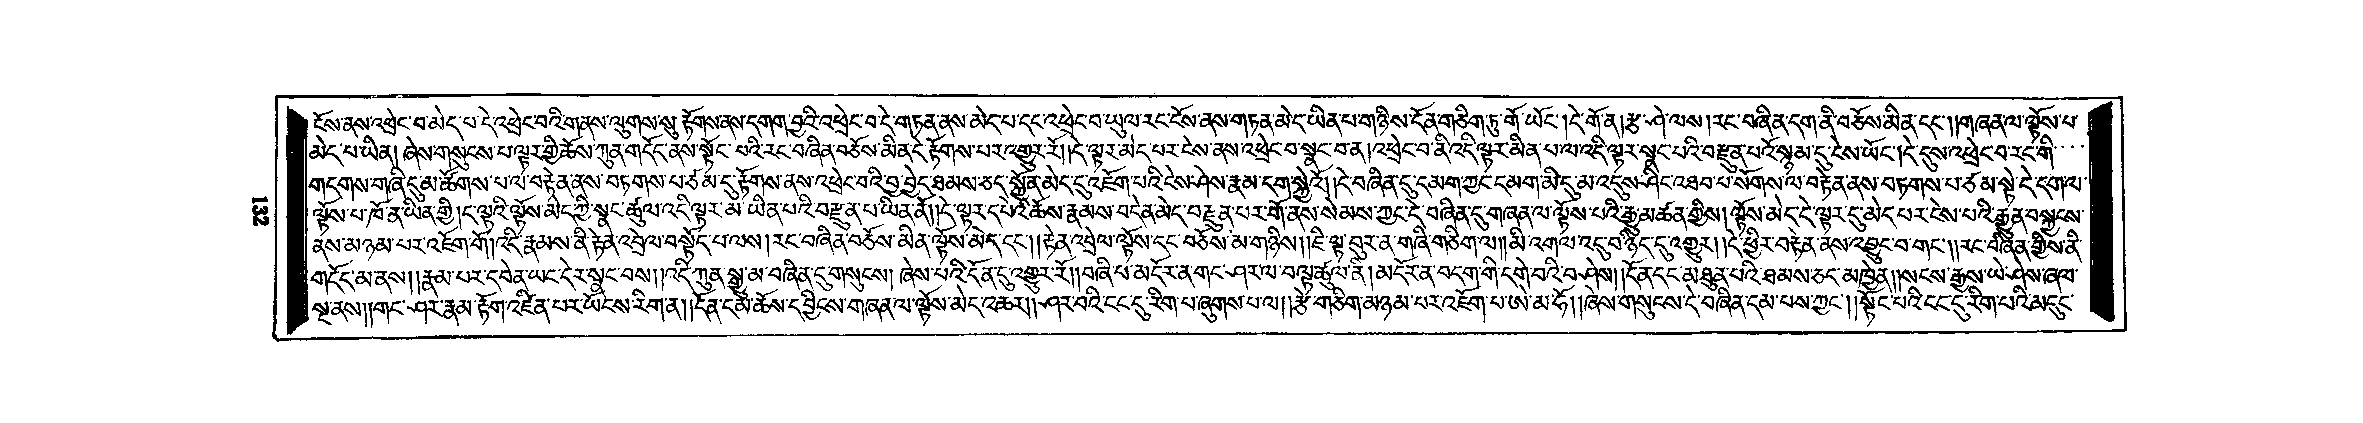ངོས་ནས་འཕྲེང་བ་མེད་པ་དེ་འཕྲེང་བའི་གནས་ལུགས་སུ་རྟོགས་ནས་དགག་བྱའི་འཕྲེང་བ་དེ་གཏན་ནས་མེད་པ་དང་འཕྲེང་བ་ཡུལ་རང་ངོས་ནས་གཏན་མེད་ཡིན་པ་གཉིས་དོན་གཅིག་ཏུ་གོ་ཡོང་། དེ་གོ་ན། རྩ་ཤེ་ལས། རང་བཞིན་དག་ནི་བཅོས་མིན་དང་། །གཞན་ལ་ལྟོས་པ་
མེད་པ་ཡིན། ཞེས་གསུངས་པ་ལྟར་གྱི་ཆོས་ཀུན་གདོང་ནས་སྟོང་པའི་རང་བཞིན་བཅོས་མིན་དེ་རྟོགས་པར་འགྱུར་རོ། །དེ་ལྟར་མེད་པར་ངེས་ནས་འཕྲེང་བ་སྣང་བ་ན། འཕྲེང་བ་ནི་འདི་ལྟར་མིན་པ་ལ་འདི་ལྟར་སྣང་པའི་བརྫུན་པའོ་སྙམ་དུ་ངེས་ཡོང་། དེ་དུས་འཕྲེང་བ་རང་གི་
གདགས་གཞི་དུ་མ་ཚོགས་པ་ལ་བརྟེན་ནས་བཏགས་པ་ཙམ་དུ་རྟོགས་ནས་འཕྲེང་བའི་བྱ་བྱེད་ཐམས་ཅད་སྐྱོན་མེད་དུ་འཇོག་པའི་ངེས་ཤེས་རྣམ་དག་སྐྱེའོ། །དེ་བཞིན་དུ་དམག་ཀྱང་དམག་མི་དུ་མ་འདུས་ཤིང་འཐབ་པ་སོགས་ལ་བརྟེན་ནས་བཏགས་པ་ཙམ་སྟེ་དེ་དག་ལ་
ལྟོས་པ་ཁོ་ན་ཡིན་གྱི། ད་ལྟའི་ལྟོས་མེད་ཀྱི་སྣང་ཚུལ་འདི་ལྟར་མ་ཡིན་པའི་བརྫུན་པ་ཡིན་ནོ། །དེ་ལྟར་དཔེའི་ཆོས་རྣམས་བདེན་མེད་བརྫུན་པར་གོ་ནས་སེམས་ཀྱང་དེ་བཞིན་དུ་གཞན་ལ་ལྟོས་པའི་རྒྱུ་མཚན་གྱིས། ལྟོས་མེད་དེ་ལྟར་དུ་མེད་པར་ངེས་པའི་རྒྱུན་བསྐྱངས་
ནས་མཉམ་པར་འཇོག་གོ །འདི་རྣམས་ནི་རྟེན་འབྲེལ་བསྟོད་པ་ལས། རང་བཞིན་བཅོས་མིན་ལྟོས་མེད་དང་། །རྟེན་འབྲེལ་ལྟོས་དང་བཅོས་མ་གཉིས། །ཇི་ལྟ་བུར་ན་གཞི་གཅིག་ལ། །མི་འགལ་འདུ་བ་ཉིད་དུ་འགྱུར། །དེ་ཕྱིར་བརྟེན་ནས་འབྱུང་བ་གང་། །རང་བཞིན་གྱིས་ནི་
གདོད་མ་ནས། །རྣམ་པར་དབེན་ཡང་དེར་སྣང་བས། །འདི་ཀུན་སྒྱུ་མ་བཞིན་དུ་གསུངས། ཞེས་པའི་དོན་དུ་འགྱུར་རོ། །བཞི་པ་མདོར་ན་གང་ཤར་ལ་བལྟ་ཚུལ་ནི། མདོར་ན་བདག་གི་དགེ་བའི་བཤེས། །དོན་དང་མཐུན་པའི་ཐམས་ཅད་མཁྱེན། །སངས་རྒྱས་ཡེ་ཤེས་ཞལ་
སྔ་ནས། །གང་ཤར་རྣམ་རྟོག་འཛིན་པར་ཡོངས་རིག་ན། །དོན་དམ་ཆོས་དབྱིངས་གཞན་ལ་ལྟོས་མེད་འཆར། །ཤར་བའི་ངང་དུ་རིག་པ་ཞུགས་པ་ལ། །རྩེ་གཅིག་མཉམ་པར་འཇོག་པ་ཨེ་མ་ཧོ། །ཞེས་གསུངས་དེ་བཞིན་དམ་པས་ཀྱང་། །སྟོང་པའི་ངང་དུ་རིག་པའི་མདུང་